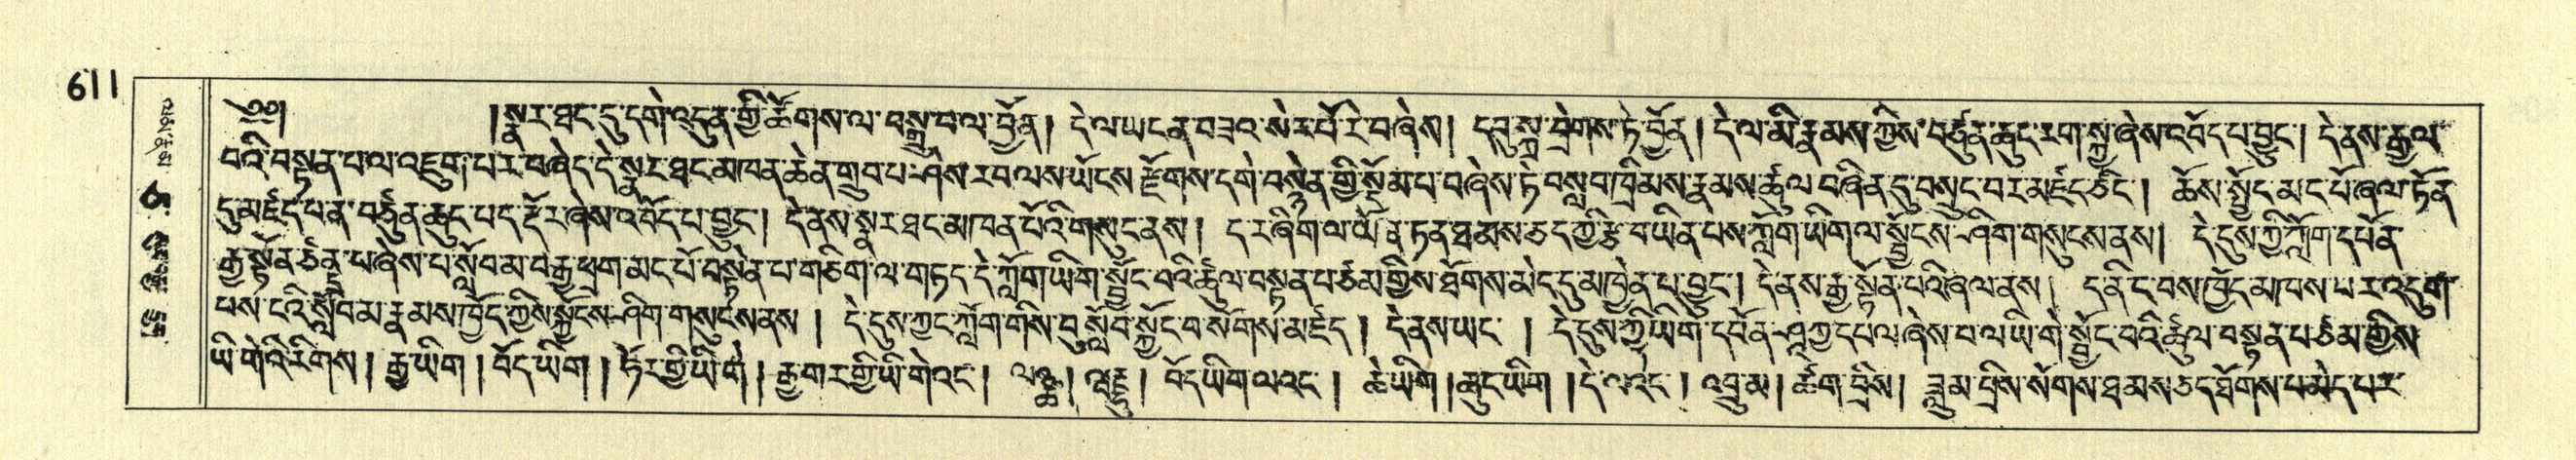༄༅། །སྣར་ཐང་དུ་དགེ་འདུན་གྱི་ཚོགས་ལ་བསྒྲུ་བ་ལ་བྱོན། དེ་ལ་ཡང་ན་བཟའ་སེར་པོ་རེ་བཞེས། དབུ་སྐྲ་བྲེགས་ཏེ་བྱོན། དེ་ལ་མི་རྣམས་ཀྱིས་བཙུན་ཆུང་རག་སྐྱ་ཞེས་འབོད་པ་བྱུང་། དེ་ནས་རྒྱལ་
བའི་བསྟན་པ་ལ་འཇུག་པར་བཞེད་དེ་སྣང་ཐང་མཁན་ཆེན་གྲུབ་པ་ཤེས་རབ་ལས་ཡོངས་རྫོགས་དགེ་བསྙེན་གྱི་སྡོམ་པ་བཞེས་ཏེ་བསླབ་ཁྲིམས་རྣམས་ཚུལ་བཞིན་དུ་བསྲུང་བར་མཛད་ཅིང་། ཆོས་སྤྱོད་མང་པོ་ཞལ་ཏོན་
དུ་མཛད་པ་ན་བཙུན་ཆུང་པད་རྡོར་ཞེས་འབོད་པ་བྱུང་། དེ་ནས་སྣར་ཐང་མཁན་པོའི་གསུང་ནས། ད་ར་ཞིག་ལ་ཡོན་ཏན་ཐམས་ཅད་ཀྱི་རྩ་བ་ཡིན་པས་ཀློག་ཡིག་ལ་སྦྱོངས་ཤིག་གསུངས་ནས། དེ་དུས་ཀྱི་ཀློག་དཔོན་
རྒྱ་སྟོན་ཙནྡྲ་པ་ཞེས་པ་སློབ་མ་བརྒྱ་ཕྲག་མང་པོ་བསྟེན་པ་གཅིག་ལ་གཏད་དེ་ཀློག་ཡིག་སྦྱོང་བའི་ཚུལ་བསྟན་པ་ཙམ་གྱིས་ཐོགས་མེད་དུ་མཁྱེན་པ་བྱུང་། དེ་ནས་རྒྱ་སྟོན་པའི་ཞལ་ནས། ད་ནི་ང་བས་ཁྱོད་མཁས་པར་འདུག་
པས་ངའི་སློབ་མ་རྣམས་ཁྱོད་ཀྱིས་སྐྱོངས་ཤིག་གསུངས་ནས། དེ་དུས་ཀྱང་ཀློག་གིས་བུ་སློབ་སྐྱོང་བ་སོགས་མཛད། དེ་ནས་ཡང་། དེ་དུས་ཀྱི་ཡིག་དབོན་ཤཱཀྱ་དཔལ་ཞེས་པ་ལ་ཡི་གེ་སྦྱོང་བའི་ཚུལ་བསྟན་པ་ཙམ་གྱིས་
ཡི་གེའི་རིགས། རྒྱ་ཡིག །བོད་ཡིག །ཧོར་གྱི་ཡི་གེ། རྒྱ་གར་གྱི་ཡི་གེའང་། ལཉྪ། ཝརྡྷུ། བོད་ཡིག་ལའང་། ཆེ་ཡིག །ཆུང་ཡིག །དེ་ལའང་། འབྲུ་མ། ཚག་བྲིས། ཟླུམ་བྲིས་སོགས་ཐམས་ཅད་ཐོགས་པ་མེད་པར་